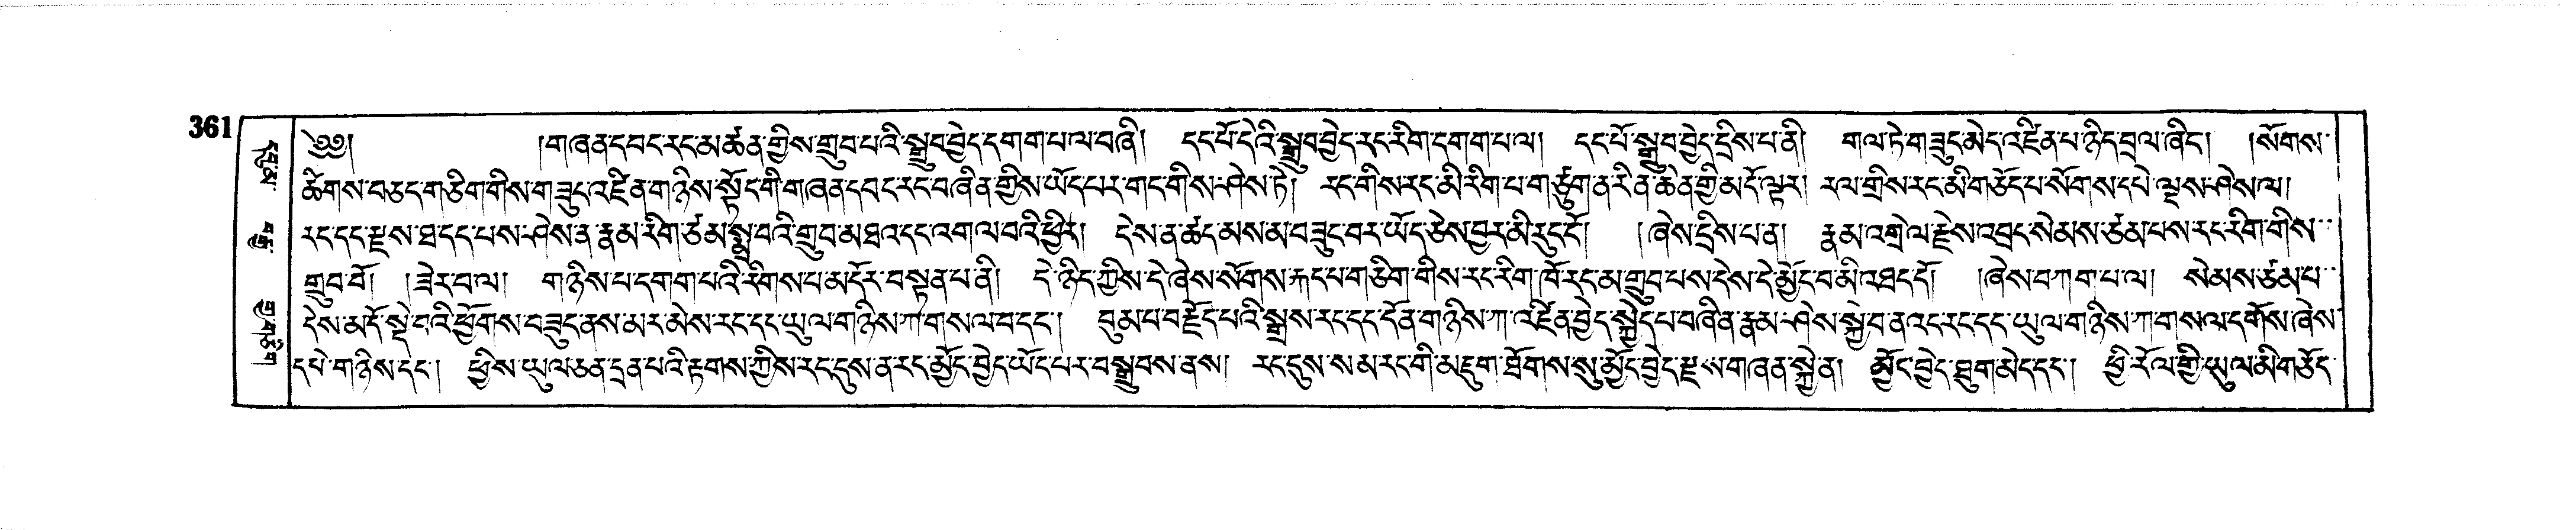༄༅། །གཞན་དབང་རང་མཚན་གྱིས་གྲུབ་པའི་སྒྲུབ་བྱེད་དགག་པ་ལ་བཞི། དང་པོ་དེའི་སྒྲུབ་བྱེད་རང་རིག་དགག་པ་ལ། དང་པོ་སྒྲུབ་བྱེད་དྲིས་པ་ནི། གལ་ཏེ་གཟུང་མེད་འཛིན་པ་ཉིད་བྲལ་ཞིང་། །སོགས་
ཚིགས་བཅད་གཅིག་གིས་གཟུང་འཛིན་གཉིས་སྟོང་གི་གཞན་དབང་རང་བཞིན་གྱིས་ཡོད་པར་གང་གིས་ཤེས་ཏེ། རང་གིས་རང་མི་རིག་པ་གཙུག་ན་རིན་ཆེན་གྱི་མདོ་ལྟར། རལ་གྲིས་རང་མི་གཅོད་པ་སོགས་དཔེ་ལྔས་ཤེས་ལ།
རང་དང་རྫས་ཐ་དད་པས་ཤེས་ན་རྣམ་རིག་ཙམ་སྨྲ་བའི་གྲུབ་མཐའ་དང་འགལ་བའི་ཕྱིར། དེས་ན་ཚད་མས་མ་བཟུང་བར་ཡོད་ཅེས་བྱར་མི་རུང་ངོ། །ཞེས་དྲིས་པ་ན། རྣམ་འགྲེལ་རྗེས་འབྲང་སེམས་ཙམ་པས་རང་རིག་གིས་
གྲུབ་བོ། །ཟེར་བ་ལ། གཉིས་པ་དགག་པའི་རིགས་པ་མདོར་བསྟན་པ་ནི། དེ་ཉིད་ཀྱིས་དེ་ཞེས་སོགས་རྐང་པ་གཅིག་གིས་རང་རིག་ཁོ་རང་མ་གྲུབ་པས་དེས་དེ་མྱོང་བ་མི་འཐད་དོ། །ཞེས་བཀག་པ་ལ། སེམས་ཙམ་པ་
དེས་མདོ་སྡེ་བའི་ཕྱོགས་བཟུང་ནས་མར་མེས་རང་དང་ཡུལ་གཉིས་ཀ་གསལ་བ་དང་། བུམ་པ་བརྗོད་པའི་སྒྲས་རང་དང་དོན་གཉིས་ཀ་འཛིན་བྱེད་སྐྱེད་པ་བཞིན་རྣམ་ཤེས་སྐྱེ་བ་ནའང་རང་དང་ཡུལ་གཉིས་ཀ་གསལ་དགོས་ཞེས་
དཔེ་གཉིས་དང་། ཕྱིས་ཡུལ་ཅན་དྲན་པའི་རྟགས་ཀྱིས་རང་དུས་ན་རང་མྱོང་བྱེད་ཡོད་པར་བསྒྲུབས་ནས། རང་དུས་སམ་རང་གི་མཇུག་ཐོགས་སུ་མྱོང་བྱེད་རྫས་གཞན་སྐྱེ་ན། མྱོང་བྱེད་ཐུག་མེད་དང་། ཕྱི་རོལ་གྱི་ཡུལ་མི་གཅོད་